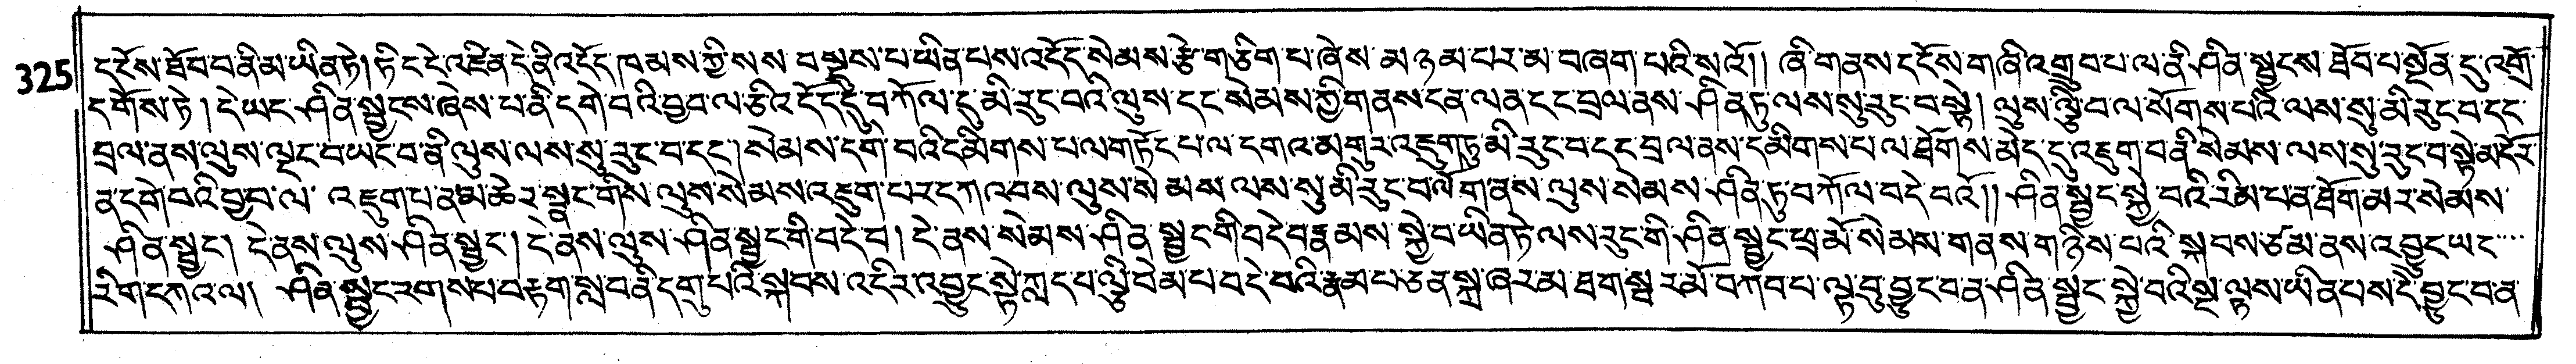དངོས་ཐོབ་པ་ནི་མ་ཡིན་ཏེ། ཏིང་ངེ་འཛིན་དེ་ནི་འདོད་ཁམས་ཀྱི་སས་བསྡུས་པ་ཡིན་པས་འདོད་སེམས་རྩེ་གཅིག་པ་ཞེས་མཉམ་པར་མ་བཞག་པའི་སའོ། །ཞི་གནས་དངོས་གཞི་འགྲུབ་པ་ལ་ནི་ཤིན་སྦྱངས་ཐོབ་པ་སྔོན་དུ་འགྲོ་
དགོས་ཏེ། དེ་ཡང་ཤིན་སྦྱངས་ཞེས་པ་ནི་དགེ་བའི་བྱ་བ་ལ་ཅི་འདོད་དུ་བཀོལ་དུ་མི་རུང་བའི་ལུས་དང་སེམས་ཀྱི་གནས་ངན་ལན་དང་བྲལ་ནས་ཤིན་ཏུ་ལས་སུ་རུང་བ་སྟེ། ལུས་ལྕི་བ་ལ་སོགས་པའི་ལས་སུ་མི་རུང་བ་དང་།
བྲལ་ནས་ལུས་ལྡང་བ་ཡང་བ་ནི་ལུས་ལས་སུ་རུང་བ་དང་། སེམས་དགེ་བའི་དམིགས་པ་ལ་གཏོང་པ་ལ་དགའ་མགུར་འཇུག་ཏུ་མི་རུང་བ་དང་བྲལ་ནས་དམིགས་པལ་ཐོགས་མེད་དུ་འཇུག་པ་ནི་སེམས་ལས་སུ་རུང་བ་སྟེ་མདོར་
ན་དགེ་བའི་བྱ་བ་ལ། འཇུག་པ་ན་མ་ཆེར་སྣང་གིས་ལུས་སེམས་འཇུག་པར་དཀའ་བས་ལུས་སེམས་ལས་སུ་མི་རུང་བ་ལོག་ནས་ལུས་སེམས་ཤིན་ཏུ་བཀོལ་བདེ་བའོ། །ཤིན་སྦྱང་སྐྱེ་བའི་རིམ་པ་ན་ཐོག་མར་སེམས་
ཤིན་སྦྱང་། དེ་ནས་ལུས་ཤིན་སྦྱང་། དེ་ནས་ལུས་ཤིན་སྦྱང་གི་བདེ་བ། དེ་ནས་སེམས་ཤིན་སྦྱང་གི་བདེ་བ་རྣམས་སྐྱེ་བ་ཡིན་ཏེ་ལས་རུང་གི་ཤིན་སྦྱང་ཕྲ་མོ་སེམས་གནས་གཉིས་པའི་སྐབས་ཙམ་ནས་འབྱུང་ཡང་
རིག་དཀའ་ལ། ཤིན་སྦྱང་རགས་པ་བརྟག་སླ་བ་ནི་དགུ་པའི་སྐབས་འདིར་འབྱུང་སྟེ་ཀླད་པ་ལྕི་བེམ་པ་བདེ་བའི་རྣམ་པ་ཅན་སྐྲ་ཞར་མ་ཐག་སྦར་མོ་བཀབ་པ་ལྟ་བུ་བྱུང་བ་ན་ཤིན་སྦྱང་སྐྱེ་བའི་སྔ་ལྟས་ཡིན་པས་དེ་བྱུང་བ་ན་